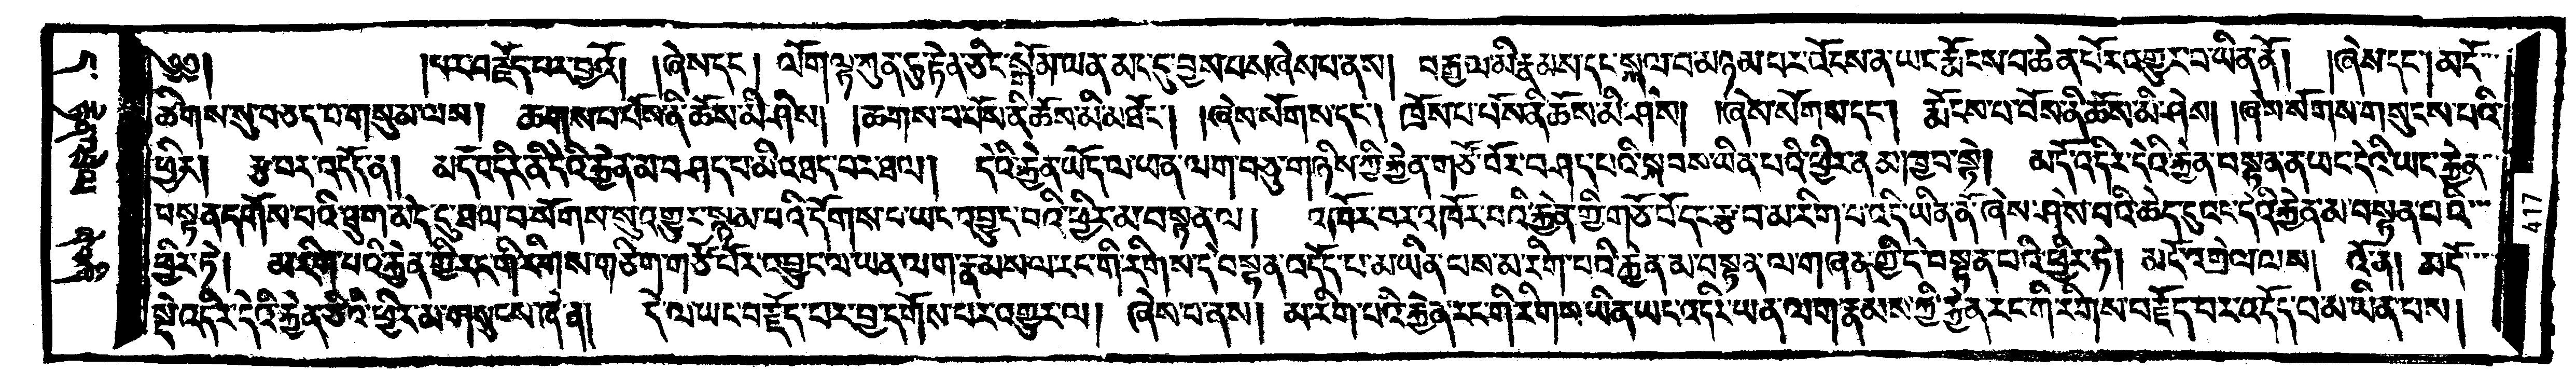༄༅། །པར་བརྗོད་པར་བྱའོ། །ཞེས་དང་། ལོག་ལྟ་ཀུན་ཏུ་རྟེན་ཅིང་སྒོམ་ལན་མང་དུ་བྱས་པས་ཞེས་པ་ནས། བརྒྱལ་མི་རྣམས་དང་སྐལ་བ་མཉམ་པར་འོངས་ན་ཡང་རྨོངས་པ་ཆེན་པོར་འགྱུར་བ་ཡིན་ནོ། །ཞེས་དང་། མདོ་
ཚིགས་སུ་བཅད་པ་གསུམ་ལས། ཆགས་པ་པོས་ནི་ཆོས་མི་ཤིས། །ཆགས་པ་པོས་ནི་ཆོས་མི་མཐོང་། །ཞེས་སོགས་དང་། ཁྲོས་པ་པོས་ནི་ཆོས་མི་ཤེས། །ཞེས་སོགས་དང་། རྨོངས་པ་བོས་ནི་ཆོས་མི་ཤེས། །ཞེས་སོགས་གསུངས་པའི་
ཕྱིར། རྩ་བར་འདོད་ན། མདོ་འདིར་ནི་དེའི་རྐྱེན་མ་བཤད་པ་མི་འཐད་པར་ཐལ། དེའི་རྐྱེན་ཡོད་ལ་ཡན་ལག་བཅུ་གཉིས་ཀྱི་རྐྱེན་གཙོ་བོར་བཤད་པའི་སྐབས་ཡིན་པའི་ཕྱིར་ན་མ་ཁྱབ་སྟེ། མདོ་འདིར་དེའི་རྐྱེན་བསྟན་ན་ཡང་དེའི་ཡང་རྐྱེན་
བསྟན་དགོས་པའི་ཐུག་མེད་དུ་ཐལ་བ་སོགས་སུ་འགྱུར་སྙམ་པའི་དོགས་པ་ཡང་འབྱུང་བའི་ཕྱིར་མ་བསྟན་ལ། འཁོར་བར་འཁོར་བའི་རྐྱེན་གྱི་གཙོ་བོ་དང་རྩ་བ་མ་རིག་པ་འདི་ཡིན་ནོ་ཞེས་ཤེས་པའི་ཆེད་དུའང་དེའི་རྐྱེན་མ་བསྟན་པའི་
ཕྱིར་ཏེ། མ་རིག་པའི་རྐྱེན་གྱི་རང་གི་རིགས་གཅིག་གཙོ་བོར་འབྱུང་ལ་ཡན་ལག་རྣམས་ལ་རང་གི་རིགས་དེ་བསྟན་འདོད་པ་མ་ཡིན་པས་མ་རིག་པའི་རྐྱེན་མ་བསྟན་ལ་གཞན་གྱི་དེ་བསྟན་པའི་ཕྱིར་ཏེ། མདོ་འགྲེལ་ལས། འོ་ན། མདོ་
སྡེ་འདིར་དེའི་རྐྱེན་ཅིའི་ཕྱིར་མ་གསུངས་ཞེ་ན། དེ་ལ་ཡང་བརྗོད་པར་བྱ་དགོས་པར་འགྱུར་ལ། ཞེས་པ་ནས། མ་རིག་པའི་རྐྱེན་རང་གི་རིགས་ཡིན་ཡང་འདིར་ཡན་ལག་རྣམས་ཀྱི་རྐྱེན་རང་གི་རིགས་བརྗོད་པར་འདོད་པ་མ་ཡིན་པས།